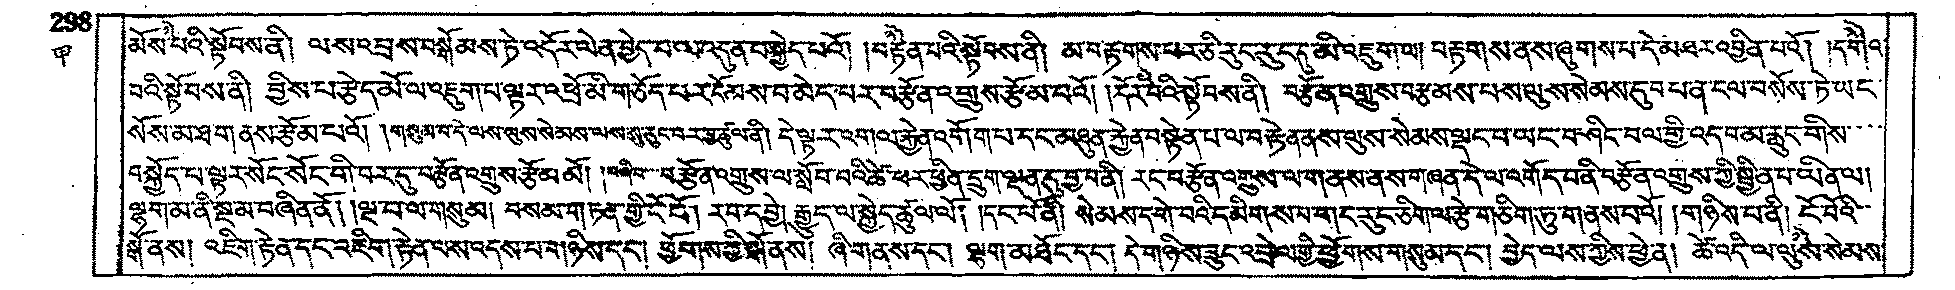མོས་པའི་སྟོབས་ནི། ལས་འབྲས་བསྒོམས་ཏེ་འདོར་ལེན་བྱེད་པ་ལ་འདུན་བ་སྐྱེད་པའོ། །བརྟན་པའི་སྟོབས་ནི། མ་བརྟགས་པར་ཅི་རུང་རུང་དུ་མི་འཇུག་ལ། བརྟགས་ནས་ཞུགས་པ་དེ་མཐར་འབྱིན་པའོ། །དགའ་
བའི་སྟོབས་ནི། བྱིས་པ་རྩེད་མོ་ལ་འཇུག་པ་ལྟར་འཕྲོ་མི་གཅོད་པར་ངོམས་བ་མེད་པར་བརྩོན་འགྲུས་རྩོམ་པའོ། །དོར་བའི་སྟོབས་ནི། བརྩོན་འགྲུས་བརྩམས་པས་ལུས་སེམས་དུབ་པ་ན་ངལ་བསོས་ཏེ་ཡང་
སོས་མ་ཐག་ནས་རྩོམ་པའོ། །གསུམ་པ་དེ་ལས་ལུས་སེམས་ལས་སུ་རུང་བར་བྱ་ཚུལ་ནི།  དེ་ལྟར་འགལ་རྐྱེན་འགོག་པ་དང་མཐུན་རྐྱེན་བསྟེན་པ་ལ་བརྟེན་ནས་ལུས་སེམས་ལྡང་བ་ཡང་བ་ཤིང་བལ་གྱི་འདབ་མ་རླུང་གིས་
བསྐྱོད་པ་ལྟར་སོང་སོང་གི་བར་དུ་བརྩོན་འགྲུས་རྩོམ་མོ། །བཞི་པ་བརྩོན་འགྲུས་ལ་སློབ་པའི་ཚེ་ཕར་ཕྱིན་དྲུག་ལྡན་དུ་བྱ་བ་ནི། རང་བརྩོན་འགྲུས་ལ་གནས་ནས་གཞན་དེ་ལ་འགོད་པ་ནི་བརྩོན་འགྲུས་ཀྱི་སྦྱིན་པ་ཡིན་ལ།
ལྷག་མ་ནི་སྔ་མ་བཞིན་ནོ། །ལྔ་པ་ལ་གསུམ། བསམ་གཏན་གྱི་ངོ་བོ། རབ་དབྱེ། རྒྱུད་ལ་སྐྱེད་ཚུལ་ལོ། །དང་པོ་ནི། སེམས་དགེ་བའི་དམིགས་པ་གང་རུང་ཅིག་ལ་རྩེ་གཅིག་ཏུ་གནས་པའོ། །གཉིས་པ་ནི། ངོ་བོའི་
སྒོ་ནས། འཇིག་རྟེན་དང་འཇིག་རྟེན་ལས་འདས་པ་གཉིས་དང་། ཕྱོགས་ཀྱི་སྒོ་ནས། ཞི་གནས་དང་། ལྷག་མཐོང་དང་། དེ་གཉིས་ཟུང་འབྲེལ་གྱི་ཕྱོགས་གསུམ་དང་། བྱེད་ལས་ཀྱིས་ཕྱེ་ན། ཚེ་འདི་ལ་ལུས་སེམས་